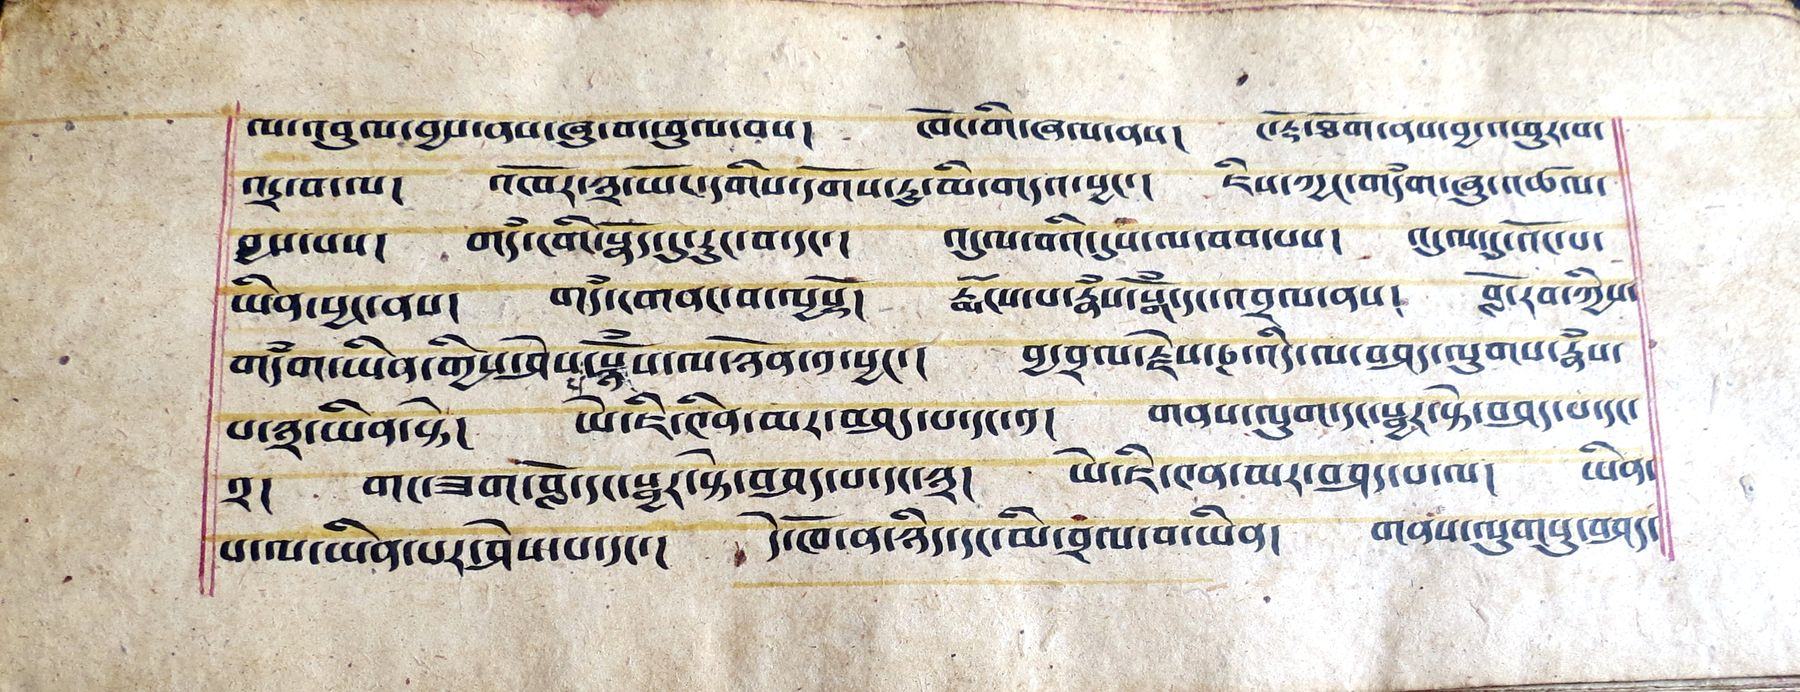ལ་འབུལ་ཞུས་པས། ཁོང་གིས་ཞལ་ནས་ང་རྡོ་ཐོག་ནས་བྱ་འཕུར་བ་
དང་འདྲ་བ་ལ། འཁོར་གསུམ་ཡོངས་དག་གིས་དགོས་རྒྱུ་མི་གདའ་གསུངས། ཅིས་ཀྱང་གདམས་ངག་ཞུ་འཚལ་
བྱས་པས། གདམས་ངག་གིས་སྣོད་དུ་རུང་པ་དང་། འདུལ་བའི་དུས་ལ་བབ་པས། འདུལ་བ་འོང་པ་
ཡིན་གསུངས་ནས། གདམས་ངག་གནང་པ་ལགས་སོ། །རྨོངས་པ་རྣམས་སྒོམ་དང་ཕྲལ་ནས། བློ་རབ་ཀྱི་
གདམས་ངག་ཡིན་གྱིས། ཤེས་པ་སྙོམས་ལ་ཉོན་ཅིག བྱ་བྲལ་རྗེས་མེད་འདི་ལ་བཤད་ལུགས་རྣམ་
པ་གསུམ་ཡིན་ཏེ། ཡེ་ཇི་བཞིན་མར་བཤད་པ་དང་གཅིག གནས་ལུགས་དང་སྦྱར་ཏེ་བཤད་པ་དང་
གཉིས། གང་ཟག་བློ་དང་སྦྱར་ཏེ་བཤད་པ་དང་གསུམ་མོ། །ཡེ་ཇི་བཞིན་མར་བཤད་པ་ལ། ཡིན་པ་ལ་ཡིན་
པར་བཤད་པ་དང་། དེ་ཁོ་ན་ཉིད་དང་མི་འབྲལ་བ་ཡིན། གནས་ལུགས་སུ་བཤད་